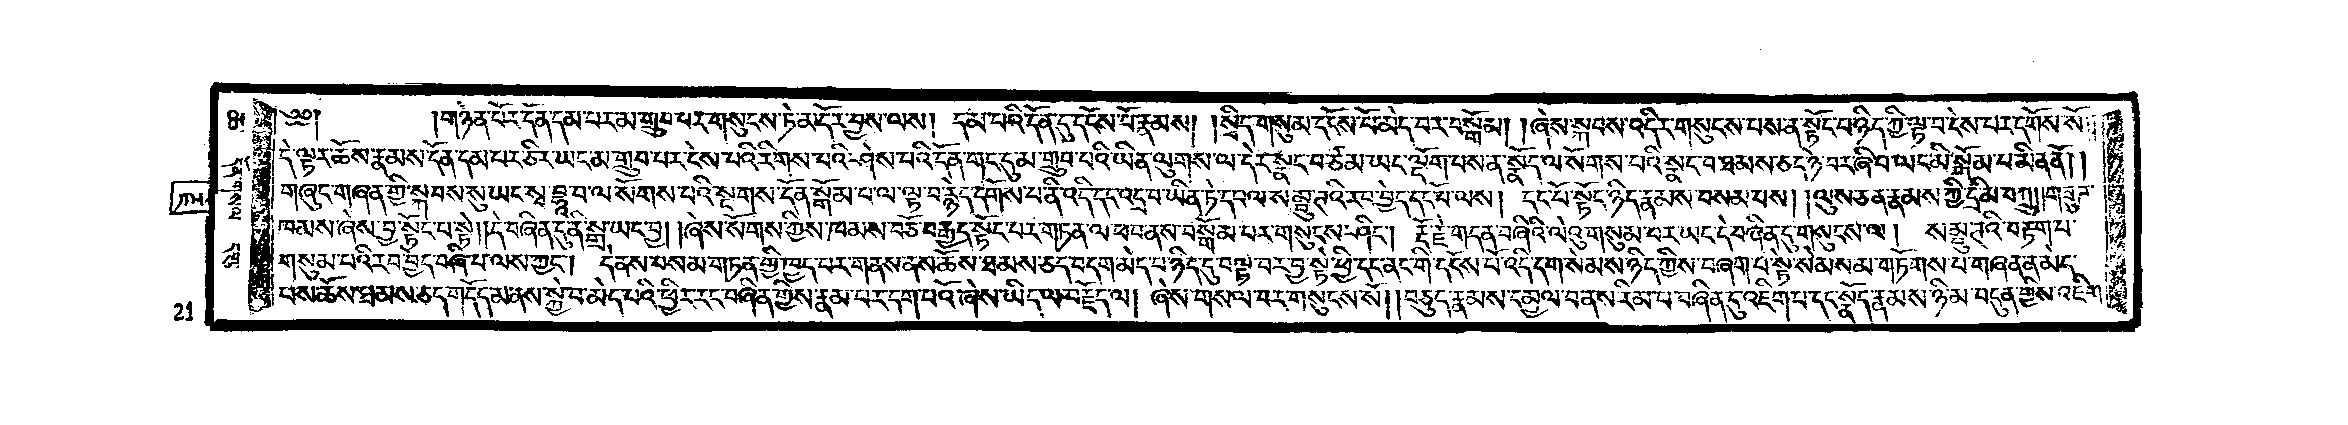༄༅། །གཉེན་པོར་དོན་དམ་པར་མ་གྲུབ་པར་གསུངས་ཏེ་མདོར་བྱས་ལས། དམ་པའི་དོན་དུ་དངོས་པོ་རྣམས། །སྲིད་གསུམ་དངོས་པོ་མེད་པར་བསྒོམ། །ཞེས་སྐབས་འདིར་གསུངས་པས་ན་སྟོང་པ་ཉིད་ཀྱི་ལྟ་བ་ངེས་པར་དགོས་སོ། །
དེ་ལྟར་ཆོས་རྣམས་དོན་དམ་པར་ཅིར་ཡང་མ་གྲུབ་པར་ངེས་པའི་རིགས་པའི་ཤེས་པའི་དོན་གང་དུ་མ་གྲུབ་པའི་ཡིན་ལུགས་ལ་དེར་སྣང་བ་ཙམ་ཡང་ལྡོག་པས་ན་སྣོད་ལ་སོགས་པའི་སྣང་བ་ཐམས་ཅད་ཉེ་བར་ཞི་བ་ཡང་མི་སྒོམ་པ་མིན་ནོ། །
གཞུང་གཞན་གྱི་སྐབས་སུ་ཡང་སྭ་བྷཱ་བ་ལ་སོགས་པའི་སྔགས་དོན་སྒོམ་པ་ལ་ལྟ་བ་རྙེད་དགོས་པ་ནི་འདི་དང་འདྲ་བ་ཡིན་ཏེ་དཔལ་སམྦུ་ཊའི་རབ་བྱེད་དང་པོ་ལས། དང་པོ་སྟོང་ཉིད་རྣམས་བསམ་པས། །ལུས་ཅན་རྣམས་ཀྱི་དྲི་མ་བཀྲུ། །གཟུགས་
ཁམས་ཞེས་བྱ་སྟོང་པ་སྟེ། །དེ་བཞིན་དུ་ནི་སྒྲ་ཡང་བྱ། །ཞེས་སོགས་ཀྱིས་ཁམས་བཅོ་བརྒྱད་སྟོང་པར་གཏན་ལ་ཕབ་ནས་བསྒོམ་པར་གསུངས་ཤིང་། རྡོ་རྗེ་གདན་བཞིའི་ལེའུ་གསུམ་པར་ཡང་དེ་བཞིན་དུ་གསུངས་ལ། སམྦུ་ཊའི་བརྟག་པ་
གསུམ་པའི་རབ་བྱེད་བཞི་པ་ལས་ཀྱང་། དེ་ནས་བསམ་གཏན་གྱི་ཁྱད་པར་གནས་ནས་ཆོས་ཐམས་ཅད་བདག་མེད་པ་ཉིད་དུ་བལྟ་བར་བྱ་སྟེ་ཕྱི་དང་ནང་གི་དངོས་པོ་འདི་དག་སེམས་ཉིད་ཀྱིས་བཞག་པ་སྟེ་སེམས་མ་གཏོགས་པ་གཞན་ན་མེད་
པས་ཆོས་ཐམས་ཅད་གདོད་མ་ནས་སྐྱེ་བ་མེད་པའི་ཕྱིར་རང་བཞིན་གྱིས་རྣམ་པར་དག་པའོ་ཞེས་ཡིད་ལ་བརྗོད་ལ། ཞེས་གསལ་བར་གསུངས་སོ། །བཅུད་རྣམས་དམྱལ་བ་ནས་རིམ་པ་བཞིན་དུ་འཇིག་པ་དང་སྣོད་རྣམས་ཉི་མ་བདུན་གྱིས་འཇིག་